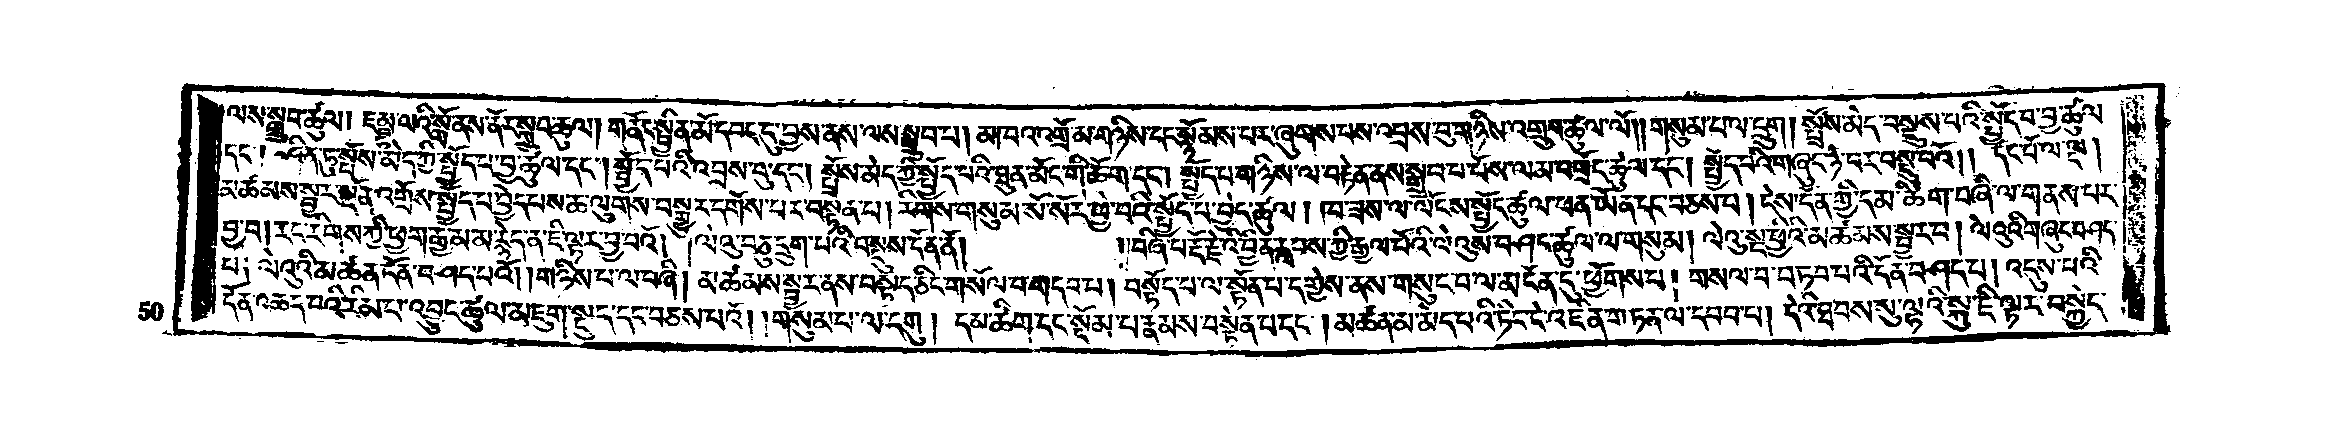ལས་སྒྲུབ་ཚུལ། ཛམྦྷ་ལའི་སྒོ་ནས་ནོར་སྒྲུབ་ཚུལ། གནོད་སྦྱིན་མོ་དབང་དུ་བྱས་ནས་ལས་སྒྲུབ་པ། མཁའ་འགྲོ་མ་གཉིས་དང་སྙོམས་པར་ཞུགས་པས་འབྲས་བུ་གཉིས་འགྲུབ་ཚུལ་ལོ། །གསུམ་པ་ལ་དྲུག །སྤྲོས་མེད་བསྡུས་པའི་སྤྱོད་པ་བྱ་ཚུལ་
དང་། ཤིན་ཏུ་སྤོས་མེད་ཀྱི་སྤྱོད་པ་བྱ་ཚུལ་དང་། སྤྱོད་པའི་འབྲས་བུ་དང་། སྤྲོས་མེད་ཀྱི་སྤྱོད་པའི་ཐུན་མོང་གི་ཆོ་ག་དང་། སྤྱོད་པ་གཉིས་ལ་བརྟེན་ནས་སྒྲུབ་པ་པོས་ལམ་བགྲོད་ཚུལ་དང་། སྤྱོད་པའི་གཞུང་ཉེ་བར་བསྡུ་བའོ། །དང་པོ་ལ་ལྔ།
མཚམས་སྦྱར་སྔོན་འགྲོས་སྤྱོད་པ་བྱེད་པས་ཆ་ལུགས་བསྒྱུར་དགོས་པར་བསྟན་པ། རིགས་གསུམ་སོ་སོར་ཕྱེ་བའི་སྤྱོད་པ་བྱེད་ཚུལ། ཁ་ཟས་ལ་ལོངས་སྤྱོད་ཚུལ་ཕན་ཡོན་དང་བཅས་པ། ངེས་དོན་གྱི་དམ་ཚིག་བཞི་ལ་གནས་པར་
བྱ་བ། རང་རིགས་ཀྱི་ཕྱག་རྒྱ་མ་མ་རྙེད་ན་ཇི་ལྟར་བྱ་བའོ། །ལེའུ་བཅུ་དྲུག་པའི་བསྡུས་དོན་ནོ། །།བཞི་པ་རྡོ་རྗེའི་བྱིན་རླབས་ཀྱི་རྒྱལ་པོའི་ལེའུས་བཤད་ཚུལ་ལ་གསུམ། ལེའུ་སྔ་ཕྱིའི་མཚམས་སྦྱར་བ། ལེའུའི་གཞུང་བཤད་
པ༑ ལེའུའི་མཚན་དོན་བཤད་པའོ། །གཉིས་པ་ལ་བཞི། མཚམས་སྦྱར་ནས་བསྟོད་ཅིང་གསོལ་བ་གདབ་པ། བསྟོད་པ་ལ་སྟོན་པ་དགྱེས་ནས་གསུང་བ་ལ་མངོན་དུ་ཕྱོགས་པ། གསོལ་བ་བཏབ་པའི་དོན་བཤད་པ། འདུས་པའི་
དོན་འཆད་པའི་རིམ་པ་འབྱུང་ཚུལ་མཇུག་སྡུད་དང་བཅས་པའོ། །གསུམ་པ་ལ་དགུ། དམ་ཚིག་དང་སྡོམ་པ་རྣམས་བསྟེན་པ་དང་། མཚན་མ་མེད་པའི་ཏིང་ངེ་འཛིན་གཏན་ལ་དབབ་པ། དེའི་ཐབས་སུ་ལྷའི་སྐུ་ཇི་ལྟར་བསྐྱེད་